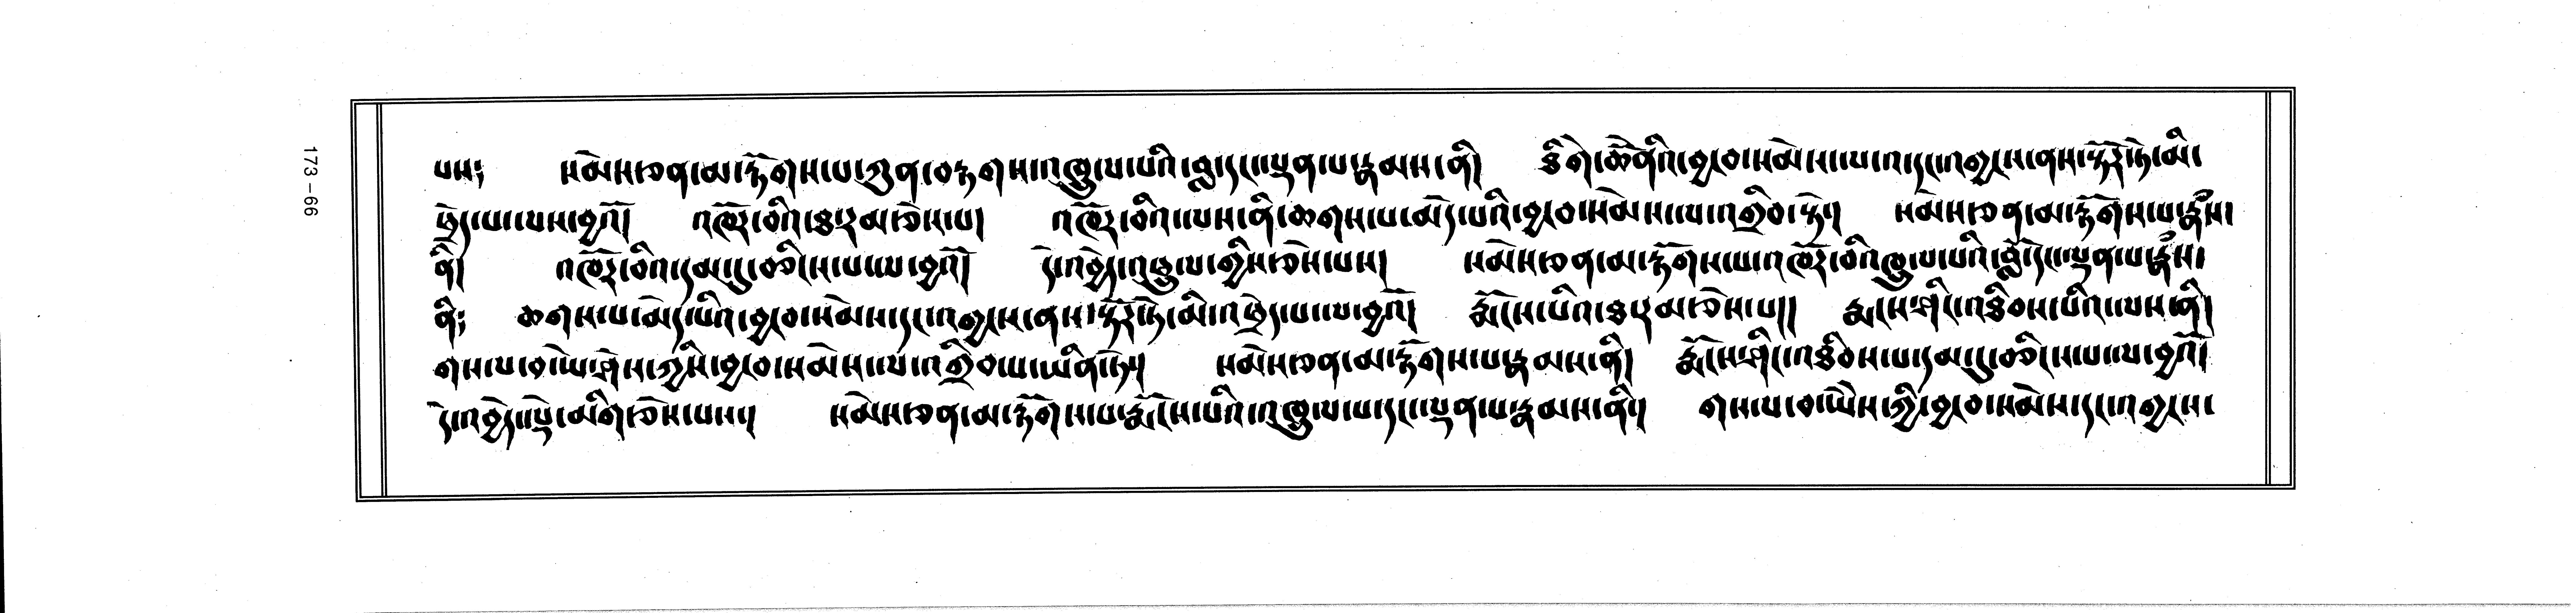པས། སེམས་ཅན་མ་རྟོགས་པ་ཀུན་བརྟགས་འཁྲུལ་པའི་བློ་དང་ལྡན་པ་རྣམས་ནི། ཐིག་ལེ་ཆེན་པོའི་བྱང་ཆུབ་སེམས་ལ་འ་༼༽དང་འགྱངས་ནས་སྟོར་ཏེ་མི་
འཕྲད་པ་ལ་བྱའོ། །འཁོར་བའི་ཐ་རམ་ཅེས་པ། དེ་འབྱེད་འཕྲུལ་གྱིས་ཅེས་པས། སེམས་ཅན་མ་རྟོགས་པ་འཁོར་བའི་འཁྲུལ་པའི་བློ་དང་ལྡན་པ་རྣམས་
ནི། ཆགས་པ་མེད་པའི་བྱང་ཆུབ་སེམས་དང་འགྱངས་ནས་སྟོར་ཏེ་མི་འཕྲད་པ་ལ་བྱའོ། །རྨོངས་པའི་ཐ་རམ་ཅེས་པ། རྨོངས་ཤིང་འཐིབས་པའི་ལས་ནི། 
གསལ་བ་ཡེ་ཤེས་ཀྱི་བྱང་ཆུབ་སེམས་ལ་འགྲིབ་པ་ཡིན་ཏེ། སེམས་ཅན་མ་རྟོགས་པ་རྣམས་ནི། རྨོངས་ཤིང་འཐིབས་པ་དམ་དུ་བཅིངས་པ་ལ་བྱའོ། །
དེ་འབྱེད་ལྡེ་མིག་ཅེས་པས། སེམས་ཅན་མ་རྟོགས་པ་རྨོངས་པའི་འཁྲུལ་པའི་བློ་དང་ལྡན་པ་རྣམས་ནི། གསལ་བ་ཡེ་ཤེས་ཀྱི་བྱང་ཆུབ་སེམས་དང་འགྱངས་ནས་